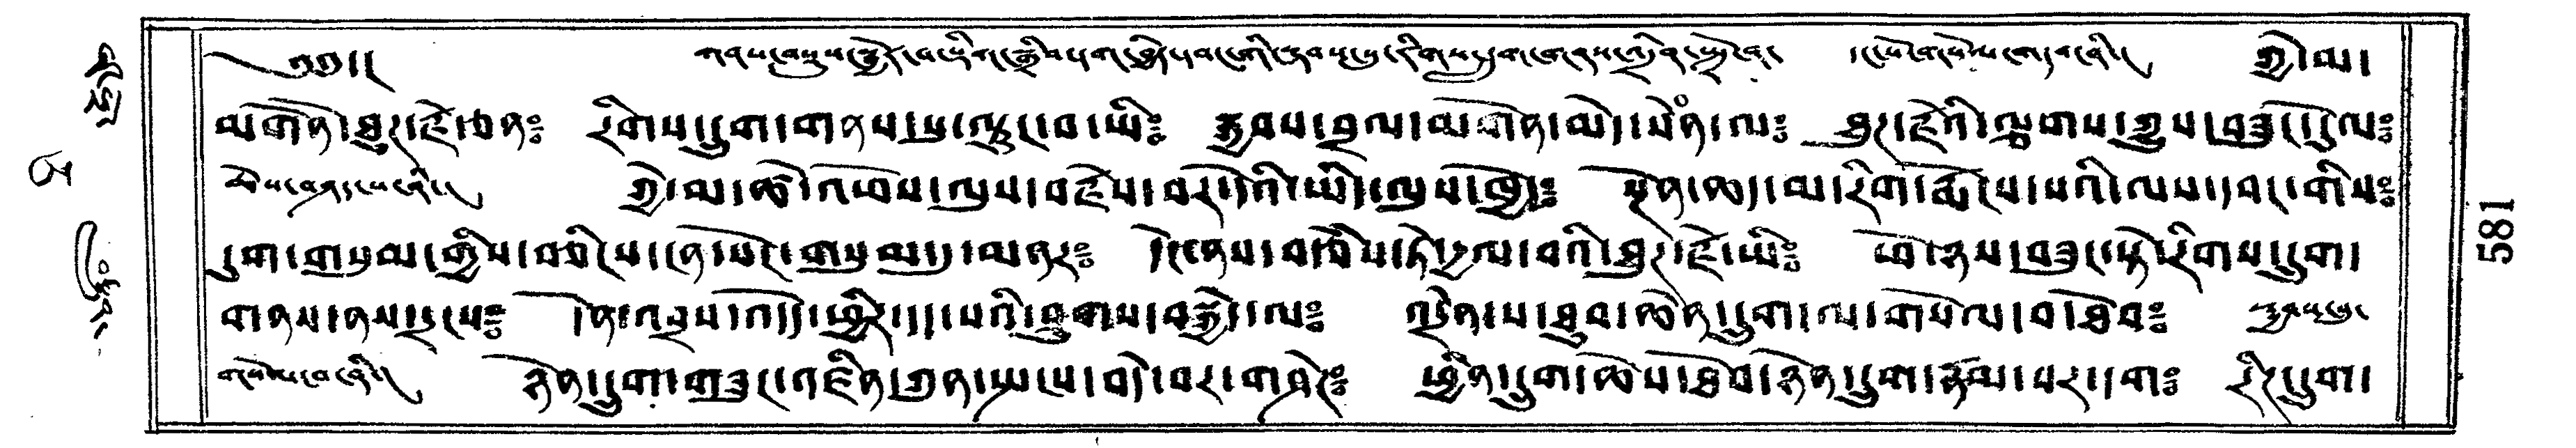༄༅། གནས་བསྡུས་ཀྱི་སྦྱོར་བ་སྡིག་སྒྲིབ་དག་བྱེད་དབང་གི་སྐབས་སུ་རིགས་དྲུག་གནས་འདྲེན་སྤྲོ་ན། དང་པོ་གསོལ་གདབ་ནི། ཀྱེ་མ་
མགོན་པོ་ཐུགས་རྗེ་ཅན༔ རིགས་དྲུག་གནས་སུ་ལྟུང་བ་ཡི༔ སྐྱབས་བྲལ་མགོན་མེད་སེམས་ཅན་ལ༔ ཐུགས་རྗེའི་ལྕགས་ཀྱུས་བཟུང་དུ་གསོལ༔ 
ཆོས་བཤད་པ་ནི། ཀྱེ་མ༔ ཚེ་འཕོས་ལུས་བརྗེས་བར་དོའི་ཡིད་ལུས་ཁྱོད༔ སྔོན་ཆད་མ་རིག་རྨོངས་པའི་ལས་དབང་གིས༔ 
དུག་གསུམ་གྱིས་བཅིངས་ངན་སོང་གསུམ་དུ་མནར༔ དེང་ནས་བརྩམས་ཏེ་རྒྱལ་བའི་ཐུགས་རྗེ་ཡི༔ ཕོ་ཉས་བཟུང་སྟེ་རིགས་དྲུག་
གནས་ནས་དྲངས༔ དོན་འབྲས་འདོད་ཕྱིར་དད་པའི་ཤུགས་བསྐྱེད་ལ༔ འདྲེན་པ་ཐུབ་ཆེན་དྲུག་ལ་གསོལ་བ་ཐོབ༔ སྐྱབས་སུ་
གསོལ་བ་ནི། ཉོན་དྲུག་གཟུང་འཛིན་ཀུན་སྤངས་བདེ་བར་གཤེགས༔ ཕྱིན་དྲུག་ཆོས་ཐོབ་ཉོན་དྲུག་རྣམ་པར་དག༔ རིགས་དྲུག་